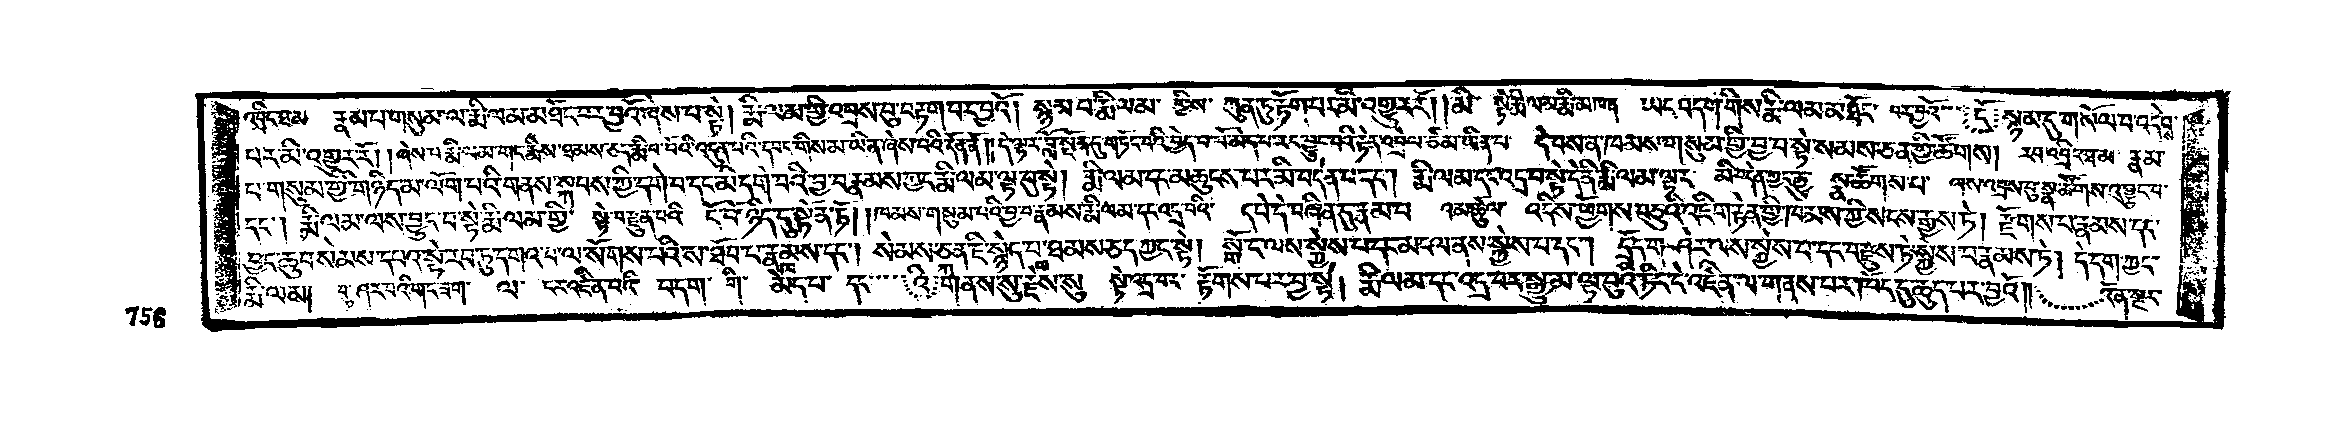འབྲིང་ཐ་མ་རྣམ་པ་གསུམ་ལ་རྨི་ལམ་མཐོང་བར་བྱའོ་ཞེས་པ་སྟེ། རྨི་ལམ་གྱི་འབྲས་བུ་བརྟག་པར་བྱའོ། སྙམ་པ་རྨི་ལམ་གྱིས་ཀུན་ཏུ་རྟོག་པར་མི་འགྱུར་རོ། །མི་སྟེ་རྨི་ལམ་རྨི་མཁས་ཡང་བདག་གིས་རྨི་ལམ་མཐོང་བར་བྱའོ་ངོ་སྙམ་དུ་གསོལ་བ་འདེབས་
པར་མི་འགྱུར་རོ། ། ཞེས་པ་རྨི་ལམ་གང་རྨིས་ཐམས་ཅད་རྨི་བ་བོའི་འདུན་པའི་དབང་གིས་མ་ཡིན་ཞེས་པའི་དོན་ནོ། །དེ་ལྟར་བློ་སྔོན་དུ་གཏོང་བའི་བྱེད་པ་པོ་མེད་པ་རང་བྱུང་བའི་རྟེན་འབྲེལ་ཙམ་ཡིན་པ་དེ་བས་ན་ཁམས་གསུམ་གྱི་བྱ་བ་སྟེ་སེམས་ཅན་གྱི་ཚོགས། རབ་འབྲིང་ཐ་མ་རྣམ་
པ་གསུམ་གྱི་གཉིད་མ་ལོག་པའི་གནས་སྐབས་ཀྱི་དགེ་བ་དང་མི་དགེ་བའི་བྱ་བ་རྣམས་ཀྱང་རྨི་ལམ་ལྟ་བུ་སྟེ། རྨི་ལམ་དང་མཚུངས་པར་མི་བདེན་པ་དང་། རྨི་ལམ་དང་འདྲ་བ་སྟེ་དེ་ནི་རྨི་ལམ་ལྟར་མི་བདེན་ཀྱང་རྒྱུ་སྣ་ཚོགས་པ་ལས་འབྲས་བུ་སྣ་ཚོགས་འབྱུང་བ་
དང་། རྨི་ལམ་ལས་བྱུང་བ་སྟེ་རྨི་ལམ་གྱི་སྟེ་བརྫུན་པའི་ངོ་བོ་ཉིད་དུ་སྟོན་ཏོ། ། ཁམས་གསུམ་པའི་བྱ་བ་རྣམས་རྨི་ལམ་དང་འདྲ་བའི་དཔེ་དེ་བཞིན་དུ་རྣམ་པའི་ཚུལ་འདིས་ཕྱོགས་བཅུའི་འཇིག་རྟེན་གྱི་ཁམས་ཀྱི་སངས་རྒྱས་ཏེ། རྫོགས་པ་རྣམས་དང་
བྱང་ཆུབ་སེམས་དཔའ་སྟེ་རབ་ཏུ་དགའ་བ་ལ་སོགས་པའི་ས་ཐོབ་པ་རྣམས་དང་། སེམས་ཅན་ཇི་སྙེད་པ་ཐམས་ཅད་ཀྱང་སྟེ། སྒོ་ང་ལས་སྐྱེས་པ་དང་མངལ་ནས་སྐྱེས་པ་དང་། དྲོད་གཤེར་ལས་སྐྱེས་པ་དང་བརྫུས་ཏེ་སྐྱེས་པ་རྣམས་ཏེ། དེ་དག་ཀྱང་
རྨི་ལམ་དུ་ཤར་བའི་གང་ཟག་ལ་ངར་འཛིན་པའི་བདག་གི་ཁ྄་མེད་པ་དང་འི་ཀ྄་གནས་སུ་ག྄་རྗེས་སུ་སྟེ་འདྲ་བ་རྟོགས་པར་བྱ་སྟེ། རྨི་ལམ་དང་འདྲ་བར་སྒྱུ་མ་ལྟ་བུའི་ཏིང་ངེ་འཛིན་ལ་གནས་པར་ཁོང་དུ་ཆུད་པར་བྱའོ།། འོན་སྔར་